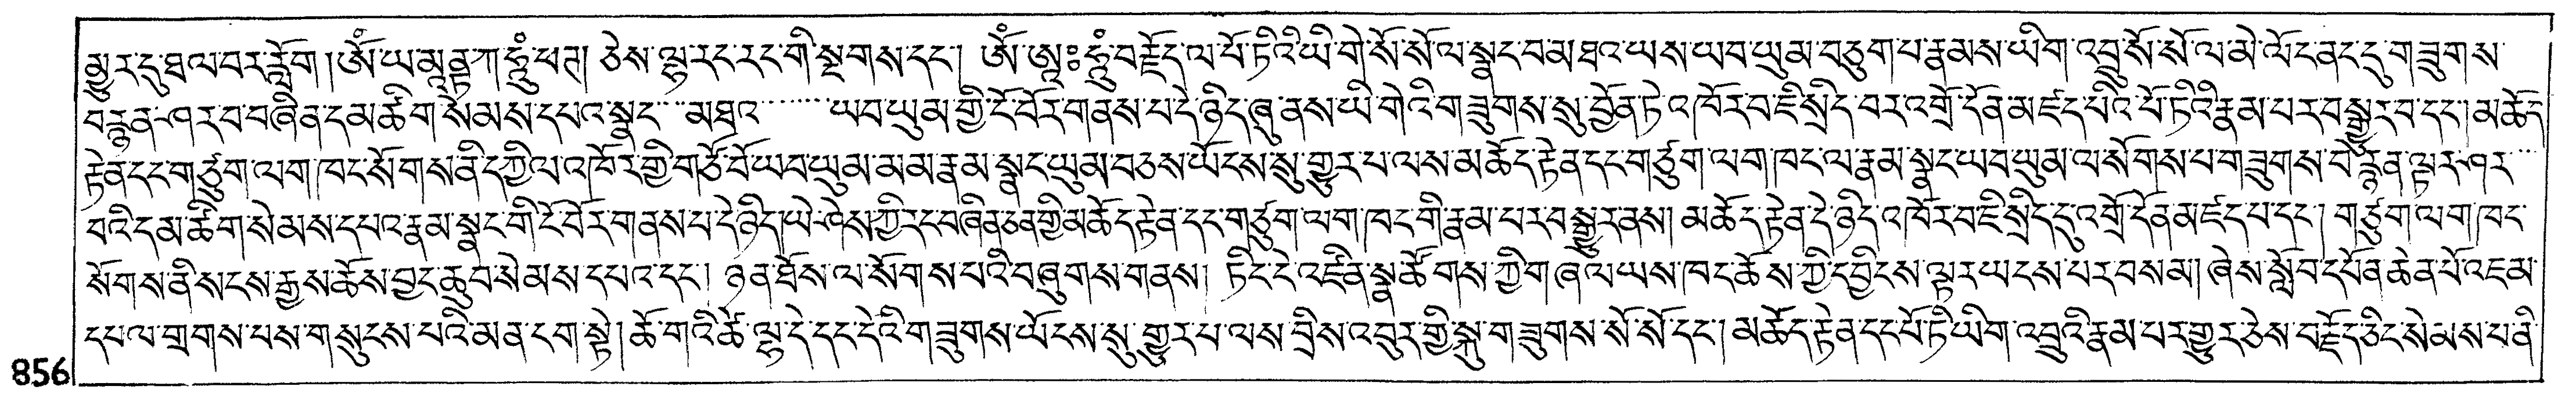མྱུར་དུ་ཐལ་བར་རློག །ཨོཾ་ཡ་མཱནྟ་ཀ་ཧཱུཾ་ཕཊ། ཅེས་ལྷ་རང་རང་གི་སྔགས་དང་། ཨོཾ་ཨཱཿ ཧཱུཾ་བརྗོད་ལ་པོ་ཏིའི་ཡི་གེ་སོ་སོ་ལ་སྣང་བ་མཐའ་ཡས་ཡབ་ཡུམ་བཅུག་པ་རྣམས་ཡིག་འབྲུ་སོ་སོ་ལ་མེ་ལོང་ནང་དུ་གཟུགས་
བརྙན་ཤར་བ་བཞིན་དམ་ཚིག་སེམས་དཔའ་སྣང་མཐའ་ཡབ་ཡུམ་གྱི་ངོ་བོར་གནས་པ་དེ་ཉིད་ཞུ་ནས་ཡི་གེའི་གཟུགས་སུ་བྱོན་ཏེ་འཁོར་བ་ཇི་སྲིད་བར་འགྲོ་དོན་མཛད་པའི་པོ་ཏིའི་རྣམ་པར་བསྒྱུར་བ་དང་། མཆོད་
རྟེན་དང་གཙུག་ལག་ཁང་སོགས་ནི་དཀྱིལ་འཁོར་གྱི་གཙོ་བོ་ཡབ་ཡུམ་མམ་རྣམ་སྣང་ཡུམ་བཅས་ཡོངས་སུ་གྱུར་པ་ལས་མཆོད་རྟེན་དང་གཙུག་ལག་ཁང་ལ་རྣམ་སྣང་ཡབ་ཡུམ་ལ་སོགས་པ་གཟུགས་བརྙན་ལྟར་ཤར་
བའི་དམ་ཚིག་སེམས་དཔའ་རྣམ་སྣང་གི་ངོ་བོར་གནས་པ་དེ་ཉིད། ཡེ་ཤེས་ཀྱི་རང་བཞིན་ཅན་གྱི་མཆོད་རྟེན་དང་གཙུག་ལག་ཁང་གི་རྣམ་པར་བསྒྱུར་ནས། མཆོད་རྟེན་དེ་ཉིད་འཁོར་བ་ཇི་སྲིད་དུ་འགྲོ་དོན་མཛད་པ་དང་། གཙུག་ལག་ཁང་
སོགས་ནི་སངས་རྒྱས་ཆོས་བྱང་ཆུབ་སེམས་དཔའ་དང་། ཉན་ཐོས་ལ་སོགས་པའི་བཞུགས་གནས། ཏིང་ངེ་འཛིན་སྣ་ཚོགས་ཀྱི་གཞལ་ཡས་ཁང་ཆོས་ཀྱི་དབྱིངས་ལྟར་ཡངས་པར་བསམ། ཞེས་སློབ་དཔོན་ཆེན་པོ་འཇམ་
དཔལ་གྲགས་པས་གསུངས་པའི་མན་ངག་སྟེ། ཆོ་གའི་ཚེ་ལྷ་དེ་དང་དེའི་གཟུགས་ཡོངས་སུ་གྱུར་པ་ལས་བྲིས་འབུར་གྱི་སྐུ་གཟུགས་སོ་སོ་དང་། མཆོད་རྟེན་དང་པོ་ཏི་ཡིག་འབྲུའི་རྣམ་པར་གྱུར་ཅེས་བརྗོད་ཅིང་སེམས་པ་ནི་